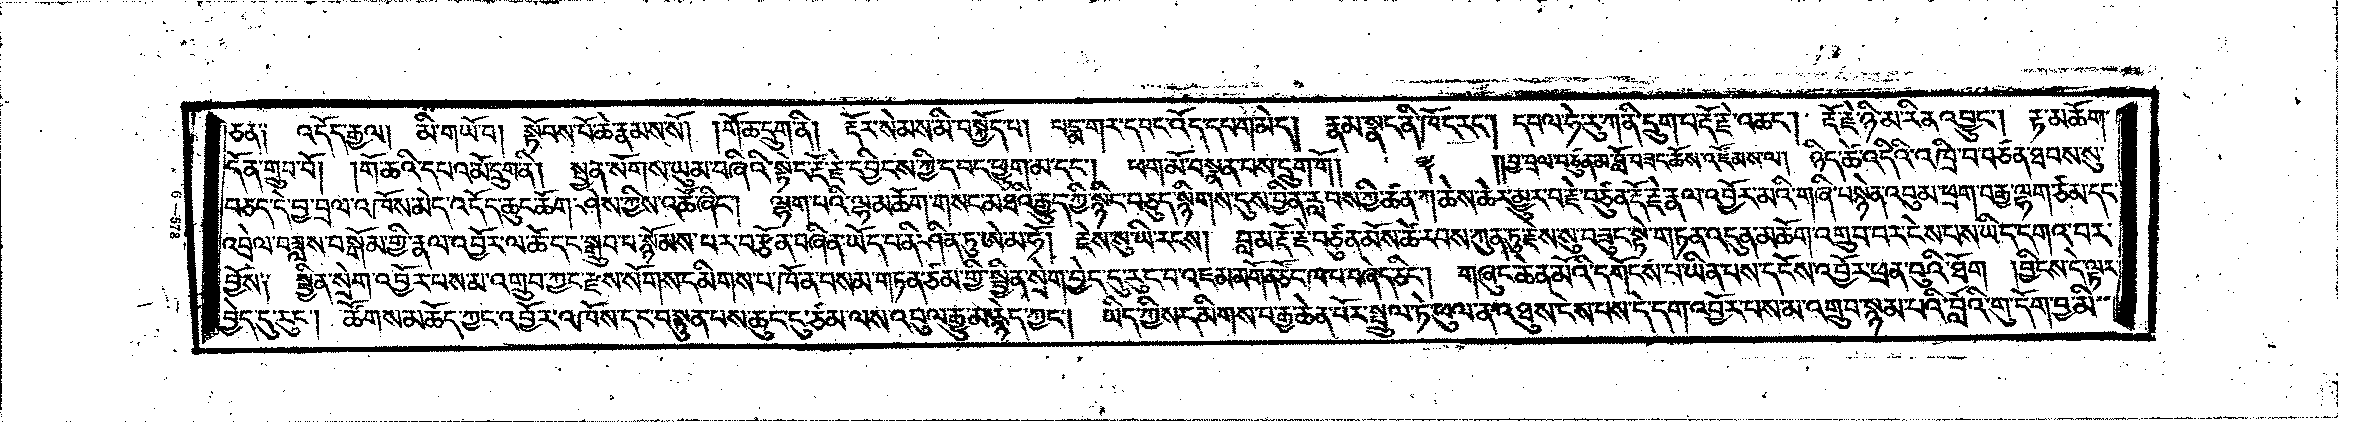ཅན༑ འདོད་རྒྱལ། མི་གཡོ་བ། སྟོབས་པོ་ཆེ་རྣམས་སོ། །གོ་ཆ་དྲུག་ནི། རྡོར་སེམས་མི་བསྐྱོད་པ། པདམ་གར་དབང་འོད་དཔག་མེད། རྣམ་སྣང་ནི་ཁོང་རང་། དཔལ་ཧེ་རུ་ཀ་ནི་དྲུག་པ་རྡོ་རྗེ་འཆང་། རྡོ་རྗེ་ཉི་མ་རིན་འབྱུང་། རྟ་མཆོག་
དོན་གྲུབ་བོ། །གོ་ཆའི་དཔའ་མོ་དྲུག་ནི། སྦྱན་སོགས་ཡུམ་བཞིའི་སྟེང་རྡོ་རྗེ་དབྱིངས་ཀྱི་དབང་ཕྱུག་མ་དང་། ཕག་མོ་བསྣན་བས་དྲུག་གོ། ༈ །།བྱ་བྲལ་བཙུན་མ་བློ་བཟང་ཆོས་འཛོམས་ལ།  ཉིད་ཚེ་འདིའི་འཁྲི་བ་བཙན་ཐབས་སུ་
བཅད་དེ་བྱ་བྲལ་འཁོས་མེད་འདོད་ཆུང་ཆོག་ཤེས་ཀྱིས་འཚོ་ཞིང་། ལྷག་པའི་ལྷ་མཆོག་གསང་མཐའི་རྒྱུད་ཀྱི་སྙིང་བཅུད་སྙིགས་དུས་བྱིན་རླབས་ཀྱི་ཚན་ག་ཆེས་ཆེར་མྱུར་བ་རྗེ་བཙུན་རྡོ་རྗེ་རྣལ་འབྱོར་མའི་གཞི་བསྙེན་འབུམ་ཕྲག་བརྒྱ་ལྷག་ཙམ་དང་
འབྲེལ་བཟླས་བསྒོམ་གྱི་རྣལ་འབྱོར་ལ་ཚོ་དང་སྒྲུབ་པ་སྙོམས་པར་བརྩོན་བཞིན་ཡོད་པ་ནི་ཤིན་ཏུ་ཨེ་མ་ཧོ། རྗེས་སུ་ཡི་རངས། བླ་མ་རྡོ་རྗེ་བཙུན་མོས་ཚེ་རབས་ཀུན་ཏུ་རྗེས་སུ་བཟུང་སྟེ་གཏན་འདུན་མཆོག་འགྲུབ་བར་ངེས་པས་ཡིད་དགའ་བར་
བྱོས༑ སྦྱིན་སྲེག་འབྱོར་པས་མ་འགྲུབ་ཀྱང་རྫས་སོགས་དམིགས་པ་ཁོ་ན་བསམ་གཏན་ཙམ་གྱི་སྦྱིན་སྲེག་བྱེད་དུ་རུང་བ་འཇམ་མགོན་ཙོང་ཁ་པ་བཞེད་ཅིང་། གཞུང་ཆེན་མོའི་དགོངས་པ་ཡིན་པས་དངོས་འབྱོར་ཕྲན་བུའི་ཐོག །བྱིངས་དེ་ལྟར་
བྱེད་དུ་རུང་། ཚོགས་མཆོད་ཀྱང་འབྱོར་འཁོས་དང་བསྟུན་པས་ཆུང་དུ་ཙམ་ལས་འབུལ་རྒྱུ་མ་རྙེད་ཀྱང་། ཡིད་ཀྱིས་དམིགས་པ་རྒྱ་ཆེན་པོར་སྤྲུལ་ཏེ་ཕུལ་ན་འཐུས་ངེས་པས་དེ་དག་འབྱོར་པས་མ་འགྲུབ་སྙམ་པའི་བློའི་གུ་དོག་བྱ་མི་